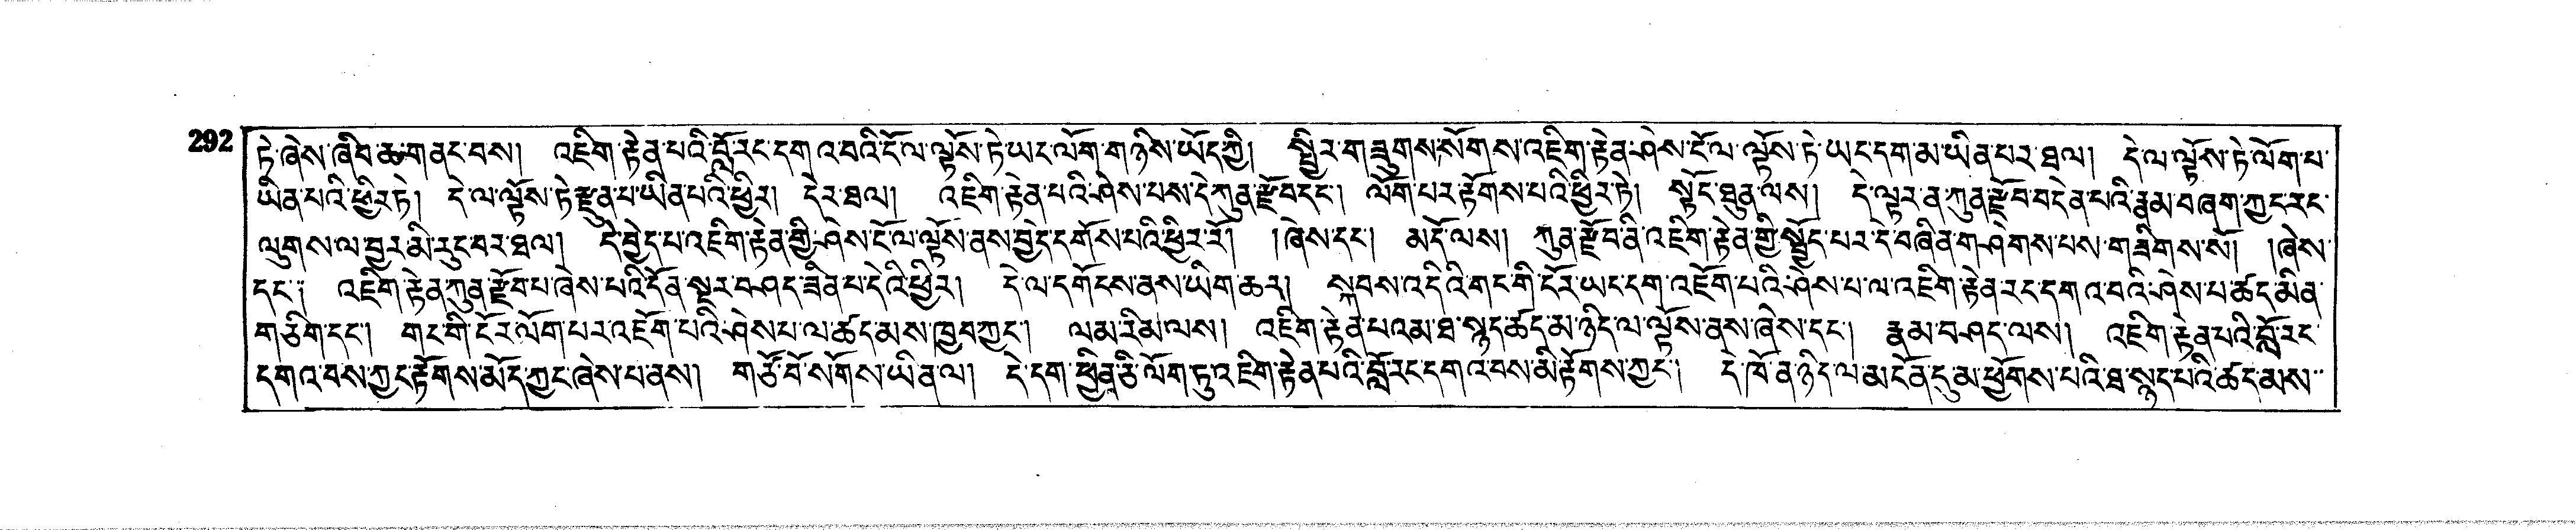ཏེ་ཞེས་ཞིབ་ཆ་གནང་བས། འཇིག་རྟེན་པའི་བློ་རང་དགའ་བའི་ངོ་ལ་ལྟོས་ཏེ་ཡང་ལོག་གཉིས་ཡོད་ཀྱི། སྤྱིར་གཟུགས་སོགས་འཇིག་རྟེན་ཤེས་ངོ་ལ་ལྟོས་ཏེ་ཡང་དག་མ་ཡིན་པར་ཐལ། དེ་ལ་ལྟོས་ཏེ་ལོག་པ་
ཡིན་པའི་ཕྱིར་ཏེ། དེ་ལ་ལྟོས་ཏེ་རྫུན་པ་ཡིན་པའི་ཕྱིར། དེར་ཐལ། འཇིག་རྟེན་པའི་ཤེས་པས་དེ་ཀུན་རྫོབ་དང་། ལོག་པར་རྟོགས་པའི་ཕྱིར་ཏེ། སྟོང་ཐུན་ལས། དེ་ལྟར་ན་ཀུན་རྫོབ་བདེན་པའི་རྣམ་བཞག་ཀྱང་རང་
ལུགས་ལ་བྱར་མི་རུང་བར་ཐལ། དེ་བྱེད་པ་འཇིག་རྟེན་གྱི་ཤེས་ངོ་ལ་ལྟོས་ནས་བྱེད་དགོས་པའི་ཕྱིར་རོ། །ཞེས་དང་། མདོ་ལས། ཀུན་རྫོབ་ནི་འཇིག་རྟེན་གྱི་སྤྱོད་པར་དེ་བཞིན་གཤེགས་པས་གཟིགས་སོ། །ཞེས་
དང་། འཇིག་རྟེན་ཀུན་རྫོབ་པ་ཞེས་པའི་དོན་སྔར་བཤད་ཟིན་པ་དེའི་ཕྱིར། དེ་ལ་དགོངས་ནས་ཡིག་ཆར། སྐབས་འདིའི་གང་གི་ངོར་ཡང་དག་འཇོག་པའི་ཤེས་པ་ལ་འཇིག་རྟེན་རང་དགའ་བའི་ཤེས་པ་ཚད་མིན་
གཅིག་དང་། གང་གི་ངོར་ལོག་པར་འཇོག་པའི་ཤེས་པ་ལ་ཚད་མས་ཁྱབ་ཀྱང་། ལམ་རིམ་ལས། འཇིག་རྟེན་པའམ་ཐ་སྙད་ཚད་མ་ཉིད་ལ་ལྟོས་ནས་ཞེས་དང་། རྣམ་བཤད་ལས། འཇིག་རྟེན་པའི་བློ་རང་
དགའ་བས་ཀྱང་རྟོགས་མོད་ཀྱང་ཞེས་པ་ནས། གཙོ་བོ་སོགས་ཡིན་ལ། དེ་དག་ཕྱིན་ཅི་ལོག་ཏུ་འཇིག་རྟེན་པའི་བློ་རང་དགའ་བས་མི་རྟོགས་ཀྱང་། དེ་ཁོ་ན་ཉིད་ལ་མངོན་དུ་མ་ཕྱོགས་པའི་ཐ་སྙད་པའི་ཚད་མས་